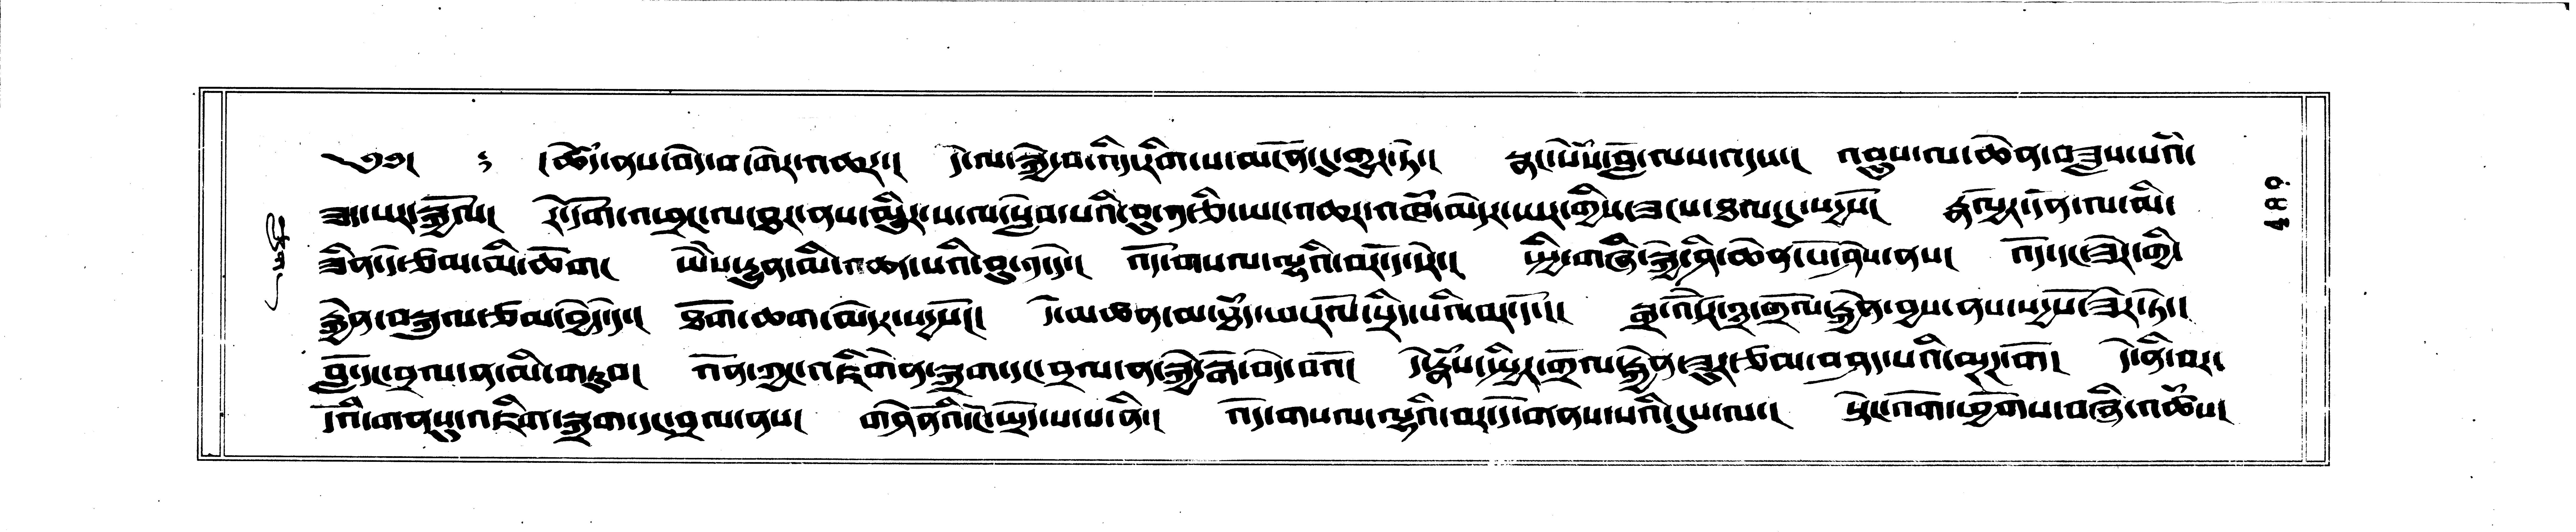ཚ་མེད་ནས་བདེ་བ་ཀད་དེ་འཆར། དེ་ལ་སྐྱེ་བ་འདི་ལ་རིག་པ་མངན་དུ་གྱུར་ཏེ། སྣང་སེམས་བློ་ལས་འདས། འབྲས་བུ་ཡི་ལ་ཆེན་ཟློགས་༼བཟླས༽པས་
ཟད་སར་སྐྱོལ། རེ་དོག་འཕྲང་ལ་ཐར་ནས། མི་གྱུར་ས་ལ་སླེབ་པའི་བུ་ཅིག ཅི་ཡང་འཆར་ཁོམ་མེད་པར་ཡར་གྱིས་ཟང་ཐལ་དུ་སངས་རྒྱས་སོ། རྣལ་འབྱོར་དོན་ལ་ནི་
ཟིན་ཏེ་ཙམ་མི་ཆོག ཡེ་ཤེས་རྒྱུན་མི་འཆད་པའི་བུ་ཅིག་དེ། འོད་གསལ་ལྷའི་བར་དོ་དེར། སྐྱེ་ཤི་ཆེན་པོར་ཤེས་ན། འོད་དང་ཟེར་གྱིས་
བསྐུལ་ཙམ་བྱེད་སྟེ། ཐོགས་ཆགས་མེད་པར་སངས་རྒྱས་སོ། དེ་མཆེན་”མཚན”མ་ཐམས་ཅད་ཕ་རོལ་སྲིད་པའི་བར་དོ། སྒྲ་འོད་ཟེར་གསུམ་གྱིས་གྲོལ་རྐྱེན་བྱས་ནས་སངས་རྒྱས་ཟེར་ཏེ། 
བློ་དང་མ་བྲལ་ན་མི་བཏུབ། འོན་ཀྱང་འཇིགས་དང་བྲལ་ན་སྐྱེ་སྒོ་བདམ་པའོ། དེ་རྣམས་སྤྱིར་གྲོལ་རྐྱེན་ཟུར་ཙམ་བཤད་པའི་མེན་ངག་གོ། ད་ནི་བར་
དོའི་གནས་སུ་འཇིགས་སྐྲགས་དང་བྲལ་ཏེ་གཤེན་པོ་ངོ་སྤྲད་པ་ནི། འོད་གསལ་ལྷའི་བར་དོར་གནས་པའི་དུས་ལ། སྟེང་འོག་ཕྱོགས་བཞི་མཚམས་